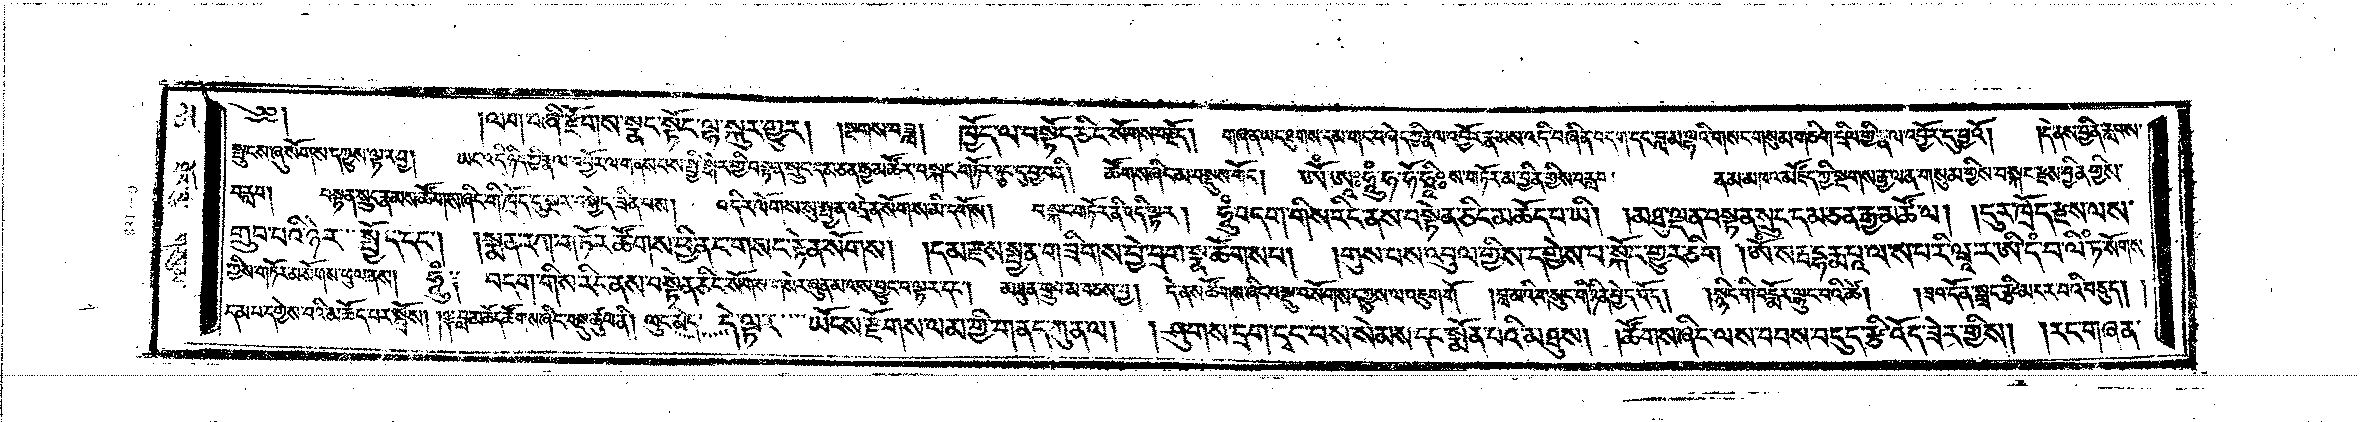༄༅། །ལག་བཞི་རྫོགས་སྣང་སྟོང་ལྷ་སྐུར་གྱུར། །སྔགས་བཟླ།  ཁྱོད་ལ་བསྟོད་ཅིང་སོགས་བརྗོད། གཞན་ཡང་ཐུགས་དམ་གང་བཞེད་ཀྱི་རྣལ་འབྱོར་རྣམས་འདི་བཞིན་བདག་དང་བླ་མ་ལྷའི་གསང་གསུམ་གཅིག་དྲིལ་གྱི་རྣལ་འབྱོར་དུ་བྱའོ། །དེ་ནས་བྱིན་རླབས་
སྤུངས་ཞུ་སོགས་དཀྱུས་ལྟར་བྱ། ཡང་འདི་ཉིད་ཀྱི་རྣལ་འབྱོར་ལ་གནས་པས་སྤྱི་སྒེར་གྱི་བསྟན་སྲུང་དམ་ཅན་རྒྱ་མཚོར་བསྐང་གཏོར་ཉུང་དུ་བྱ་བ་ནི། ཚོགས་ཞིང་མ་བསྡུས་གོང་། ཨོཾ་ཨཱཿཧཱུཾ་ཧ་ཧོ་ཧྲཱིཿས་གཏོར་མ་བྱིན་གྱིས་བརླབ། ནམ་མཁའ་མཛོད་ཀྱི་སྔགས་རྒྱ་ལན་གསུམ་གྱིས་བསྐང་རྫས་བྱིན་གྱིས་
བརླབ། བསྟན་གྲུང་རྣམས་ཚོགས་ཞིང་གི་ཁྲོད་དུ་སྔར་བསྐྱེད་ཟིན་པས། འདིར་ལོགས་སུ་སྤྱན་འདྲེན་སོགས་མི་དགོས། བསྐང་གཏོར་ནི་འདི་ལྟར། ཧཱུཾ་བདག་གིས་རིང་ནས་བསྟེན་ཅིང་མཆོད་པ་ཡི། །མཐུ་ལྡན་བསྟན་སྲུང་དམ་ཅན་རྒྱ་མཚོ་ལ། །དུར་ཁྲོད་རྫས་ལས་
གྲུབ་པའི་ཉེར་སྤྱོད་དང་། །སྨན་རཀ་གཏོར་ཚོགས་ཕྱི་ནང་གསང་རྟེན་སོགས། །དམ་རྫས་སྤྱན་གཟིགས་བྱེ་བྲག་སྣ་ཚོགས་པ། །གུས་པས་འབུལ་གྱིས་དགྱེས་པ་སྐོང་གྱུར་ཅིག །ཨོཾ་སརྦ་དྷྷ་བཱ་ལ་ས་པ་རི་ཝཱ་ར་ཨི་དཾ་བ་ལི་ཏཾ་སོགས་
ཀྱིས་གཏོར་མ་སོགས་ཕུལ་ནས།  ཧཱུཾ༑ བདག་གིས་རིང་ནས་བསྟེན་ཅིང་སོགས་གསེར་ཞུན་མ་ལས་བྱུང་བ་ལྟར་དང་། མཐུན་གྲུབ་མ་བཅས་བྱ། དེ་ནས་ཚོགས་ཞིང་བསྡུ་བ་སོགས་དཀྱུས་ལ་འཇུག་གོ །བླ་མའི་གསུང་གི་ཉིན་བྱེད་དོད། །སྙིང་གི་པདམོར་ལྷུང་བའི་ཚེ། །ཟབ་དོན་སྦྲང་རྩི་མངར་བའི་བཅུད། །
དམ་པ་དགྱེས་བའི་མཆོད་པར་སྤྲོས། །༈ བླ་མཆོད་ཚོགས་ཞིང་བསྡུ་ཚུལ་ནི། ལུང་དེ་ལྟར་མེད་ཡོངས་རྫོགས་ལམ་གྱི་གནད་ཀུན་ལ། །ཤུགས་དྲག་དྭང་བས་སེམས་དང་སྨོན་པའི་མཐུས། །ཚོགས་ཞིང་ལས་བབས་བདུད་རྩི་འོད་ཟེར་གྱིས། །རང་གཞན་